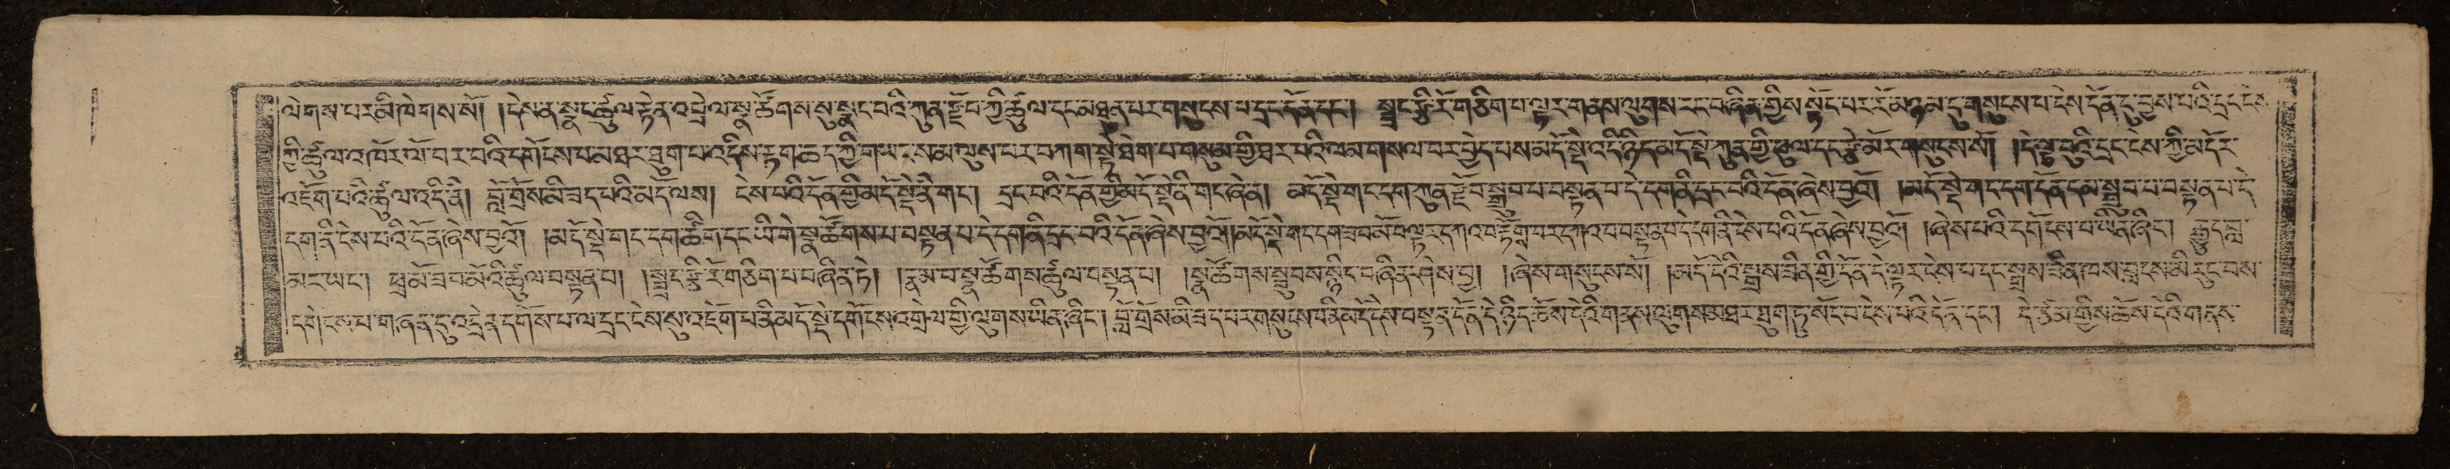ལེགས་པར་མི་ཁེགས་སོ། །དེས་ན་སྣང་ཚུལ་རྟེན་འབྲེལ་སྣ་ཚོགས་སུ་སྣང་བའི་ཀུན་རྫོབ་ཀྱི་ཚུལ་དང་མཐུན་པར་གསུངས་བ་དྲང་དོན་དང་། སྦྲང་རྩི་རོ་གཅིག་བ་ལྟར་གནས་ལུགས་རང་བཞིན་གྱིས་སྟོང་བར་རོ་མཉམ་དུ་གསུངས་བ་དེས་དོན་དུ་བྱས་པའི་དྲང་ངེས་
ཀྱི་ཚུལ་འཁོར་ལོ་བར་པའི་དགོངས་པ་མཐར་ཐུག་པ་འདིས་རྟག་ཆད་ཀྱི་གཡངས་མ་ལུས་པར་བཀག་སྟེ་ཐེག་པ་གསུམ་གྱི་ཐར་པའི་ལམ་གསལ་བར་བྱེད་བས་མདོ་སྡེ་འདི་ཉིད་མདོ་སྡེ་ཀུན་གྱི་ཕུལ་དང་རྩེ་མོར་གསུངས་སོ། །དེ་ལྟ་བུའི་དྲང་ངེས་ཀྱི་མདོར་
འཛོག་པའི་ཚུལ་འདི་ནི། བློ་གྲོས་མི་ཟད་པའི་མདོ་ལས། ངེས་པའི་དོན་གྱི་མདོ་སྡེ་ནི་གང་། དྲང་བའི་དོན་གྱི་མདོ་སྡེ་ནི་གང་ཞེན། མདོ་སྡེ་གང་དག་ཀུན་རྫོབ་སྒྲུབ་བ་བསྟན་པ་དེ་དག་ནི་དྲང་བའི་དོན་ཞེས་བྱའོ། །མདོ་སྡེ་གང་དག་དོན་དམ་སྒྲུབ་པ་བསྟན་པ་དེ་
དག་ནི་ངེས་པའི་དོན་ཞེས་བྱའོ། །མདོ་སྡེ་གང་དག་ཚིག་དང་ཡི་གེ་སྣ་ཚོགས་བ་བསྟན་བ་དེ་དག་ནི་དྲང་བའི་དོན་ཞེས་བྱའོ། །མདོ་སྡེ་གང་དག་ཟབ་མོ་བལྟར་དཀའ་བ་རྟོགས་པར་དཀའ་བ་བསྟན་པ་དེ་དག་ནི་ངེས་བའི་དོན་ཞེས་བྱའོ། །ཞེས་བའི་དགོངས་པ་ཡིན་ཞིང་། རྒྱུད་བླ་
མར་ཡང་། ཕྲ་མོ་ཟབ་མོའི་ཚུལ་བསྟན་པ། །སྦྲང་རྩི་རོ་གཅིག་པ་བཞིན་ཏེ། །རྣམ་པ་སྣ་ཚོགས་ཚུལ་བསྟན་པ། །སྣ་ཚོགས་སྦུབས་སྙིང་བཞིན་ཤེས་བྱ། །ཞེས་གསུངས་སོ། །མདོ་དེའི་སྒྲས་ཟིན་གྱི་དོན་དེ་ལྟར་ངེས་པ་དང་སྒྲས་ཟིན་ཁས་བླངས་མི་རུང་བས་
དགོངས་པ་གཞན་དུ་འདྲེན་དགོས་པ་ལ་དྲང་ངེས་སུ་འཇོག་པ་ནི་མདོ་སྡེ་དགོངས་འགྲེལ་གྱི་ལུགས་ཡིན་ཞིང་། བློ་གྲོས་མི་ཟད་པར་གསུངས་པ་ནི་མོད་དེས་བསྟན་དོན་དེ་ཉིད་ཆོས་དེའི་གནས་ལུགས་མཐར་ཐུག་ཏུ་སོང་བ་ངེས་བའི་དོན་དང་། དེ་ཙམ་གྱིས་ཆོས་དེའི་གནས་